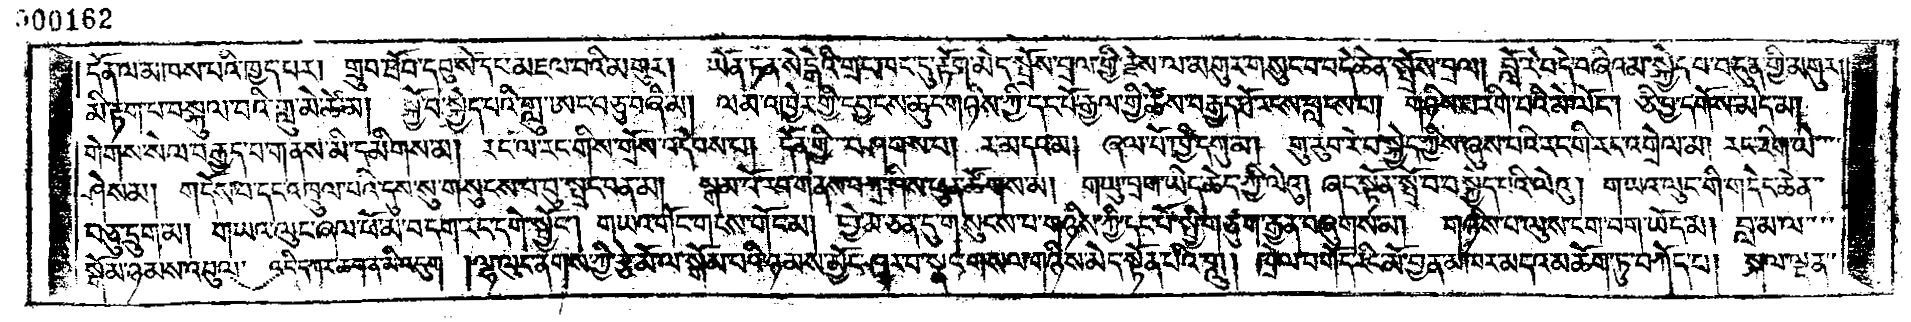དོན་ལ་མཁས་པའི་ཁྱད་པར། གྲུབ་ཐོབ་དབུ་སེ་དང་མཇལ་བའི་མགུར། ཡོན་ཏན་སེངྒེའི་གྲང་ཁང་དུ་རྟོག་མེད་སྤྲོས་བྲལ་གྱི་རྗེས་ལ་མགུར་གསུང་བ་བདེ་ཆེན་སྤྲོས་བྲལ། བློ་རེ་བདེ་བཞིའམ་སྐྱེད་པ་བདུན་གྱི་མགུར་
མི་རྟག་པ་བསྐུལ་བའི་གླུ་མེ་ཚེ་མ། སྐྱོ་བ་སྐྱེད་པའི་གླུ་ཨང་བཅུ་བཞི་མ། ལམ་འཁྱེར་གྱི་དབྱངས་ཆུང་གཉིས་ཀྱི་དང་པོ་རྒྱལ་གྱི་ཚེས་བརྒྱད་ཐོ་རངས་བླངས་པ། གཉིས་པ་རིག་པའི་མེ་ལོང་། ཅི་བྱ་དགོས་མེད་མ།
གེགས་སེལ་བརྒྱད་པ་གནས་མི་དམིགས་མ། རང་ལ་རང་གིས་གྲོས་འདེབས་པ། དོན་གྱི་བཤགས་པ། ར་མདའ་མ། ཞལ་པོ་ཁྱི་དགུ་མ། གུ་རུབ་རེ་བ་སྐྱེད་ཀྱིས་ཞུས་པའི་རང་གི་རང་འགྲེལ་མ། རང་རིག་ཡེ་
ཤེས་མ། གདོས་པ་དང་འཁྲུལ་བའི་དུས་སུ་གསུངས་པ་བུ་སྤྲང་བན་མ། སྒམ་པོ་རབ་གནས་བཀྲ་ཤིས་ཕུན་ཚོགས་མ། གྱུ་བྲག་ཡིད་ཆེད་ཀྱི་ལེའུ། ཞང་སྟོན་སྤྲོ་བ་བསྐྱེད་བའི་ལེའུ། གཡའ་ལུང་གི་གདེང་ཆེན་
བཅུ་དྲུག་མ། གཡའ་ལུང་ཞལ་ཕོ་མ་བདག་རང་དགེ་སྦྱོང་། གཡའ་གོང་གངས་གོང་མ། བྱེ་མ་ཅན་དུ་གསུངས་པ་གཉིས་ཀྱི་དང་པོ་སྤྱི་གཙུག་རྒྱན་བཞུགས་མ། གཉིས་པ་ལུས་ངག་བག་ཡོད་མ། བླ་མ་ལ་
སྒོམ་ཉམས་འབུལ་འདི་དཀར་ཆག་ན་མི་འདུག་།ལྷ་ལུང་ནགས་ཀྱི་རྩེ་མོ་ལ་སྒོམ་པའི་ཉམས་མྱོང་ཤར་བ་སྣང་གསལ་གཉིས་མེད་སྟོན་པའི་གླུ། ཁྲེལ་བགོད་རིང་མོ་བྱན་མཁར་མདའ་མཆོག་ཏུ་བཀོད་པ། སྐལ་ལྡན་